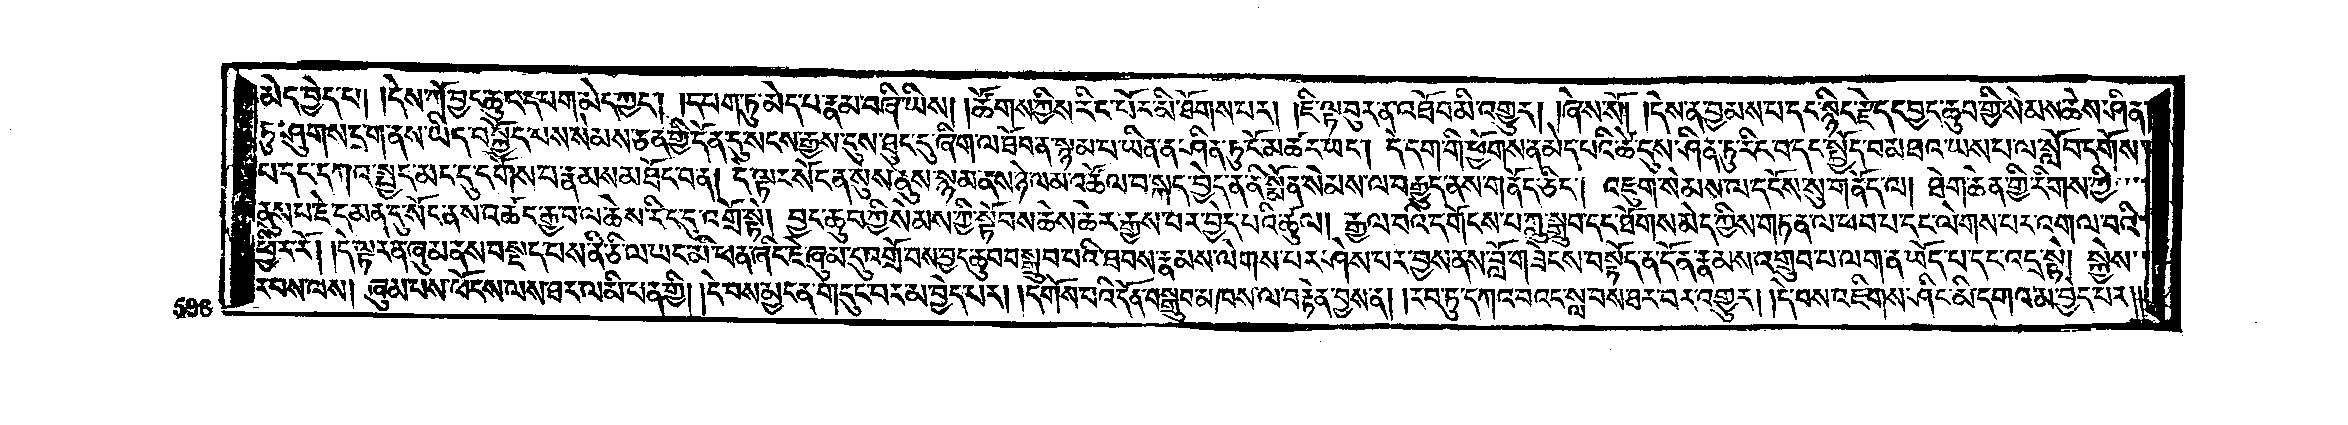མེད་བྱེད་པ། །དེས་ཀོ་བྱང་ཆུབ་དཔག་མེད་ཀྱང་། །དཔག་ཏུ་མེད་པ་རྣམ་བཞི་ཡིས། །ཚོགས་ཀྱིས་རིང་པོར་མི་ཐོགས་པར། །ཇི་ལྟ་བུར་ན་འཐོབ་མི་འགྱུར། །ཞེས་སོ། །དེས་ན་བྱམས་པ་དང་སྙིང་རྗེ་དང་བྱང་ཆུབ་ཀྱི་སེམས་ཆེས་ཤིན་
ཏུ་ཤུགས་དྲག་ནས་ཡིད་བསྐྱོད་པས་སེམས་ཅན་གྱི་དོན་དུ་སངས་རྒྱས་དུས་ཐུང་ངུ་ཞིག་ལ་ཐོབ་ན་སྙམ་པ་ཡིན་ན་ཤིན་ཏུ་ངོ་མཚར་ཡང་། དེ་དག་གི་ཕྱོགས་ན་མེད་པའི་ཚེ་དུས་ཤིན་ཏུ་རིང་བ་དང་སྤྱོད་པ་མཐའ་ཡས་པ་ལ་སློབ་དགོས་
པ་དང་དཀའ་སྤྱད་མང་དུ་དགོས་པ་རྣམས་མཐོང་བ་ན། དེ་ལྟར་སོང་ན་སུས་ནུས་སྙམ་ནས་ཉེ་ལམ་འཚོལ་བ་སྐད་བྱེད་ན་ནི་སྨོན་སེམས་ལ་བརྒྱུད་ནས་གནོད་ཅིང་། འཇུག་སེམས་ལ་དངོས་སུ་གནོད་ལ། ཐེག་ཆེན་གྱི་རིགས་ཀྱི་
ནུས་པ་ཇེ་དམན་དུ་སོང་ནས་འཚང་རྒྱ་བ་ལ་ཆེས་རིང་དུ་འགྲོ་སྟེ། བྱང་ཆུབ་ཀྱི་སེམས་ཀྱི་སྟོབས་ཆེས་ཆེར་རྒྱས་པར་བྱེད་པའི་ཚུལ། རྒྱལ་བའི་དགོངས་པ་ཀླུ་སྒྲུབ་དང་ཐོགས་མེད་ཀྱིས་གཏན་ལ་ཕབ་པ་དང་ལེགས་པར་འགལ་བའི་
ཕྱིར་རོ། །དེ་ལྟར་ན་ཞུམ་ནས་བསྡད་པས་ནི་ཅི་ལ་ཡང་མི་ཕན་ཞིང་ཇེ་ཞུམ་དུ་འགྲོ་བས་བྱང་ཆུབ་བསྒྲུབ་པའི་ཐབས་རྣམས་ལེགས་པར་ཤེས་པར་བྱས་ནས་བློ་གཟེངས་བསྟོད་ན་དོན་རྣམས་འགྲུབ་པ་ལག་ན་ཡོད་པ་དང་འདྲ་སྟེ། སྐྱེས་
རབས་ལས། ཞུམ་པས་ཕོངས་ལས་ཐར་ལ་མི་ཕན་གྱི། །དེ་བས་མྱ་ངན་གདུང་བར་མ་བྱེད་པར། །དགོས་པའི་དོན་བསྒྲུབ་མཁས་ལ་བརྟེན་བྱས་ན། །རབ་ཏུ་དཀའ་བའང་སླ་བས་ཐར་བར་འགྱུར། །དེ་བས་འཇིགས་ཤིང་མི་དགའ་མ་བྱེད་པར། །